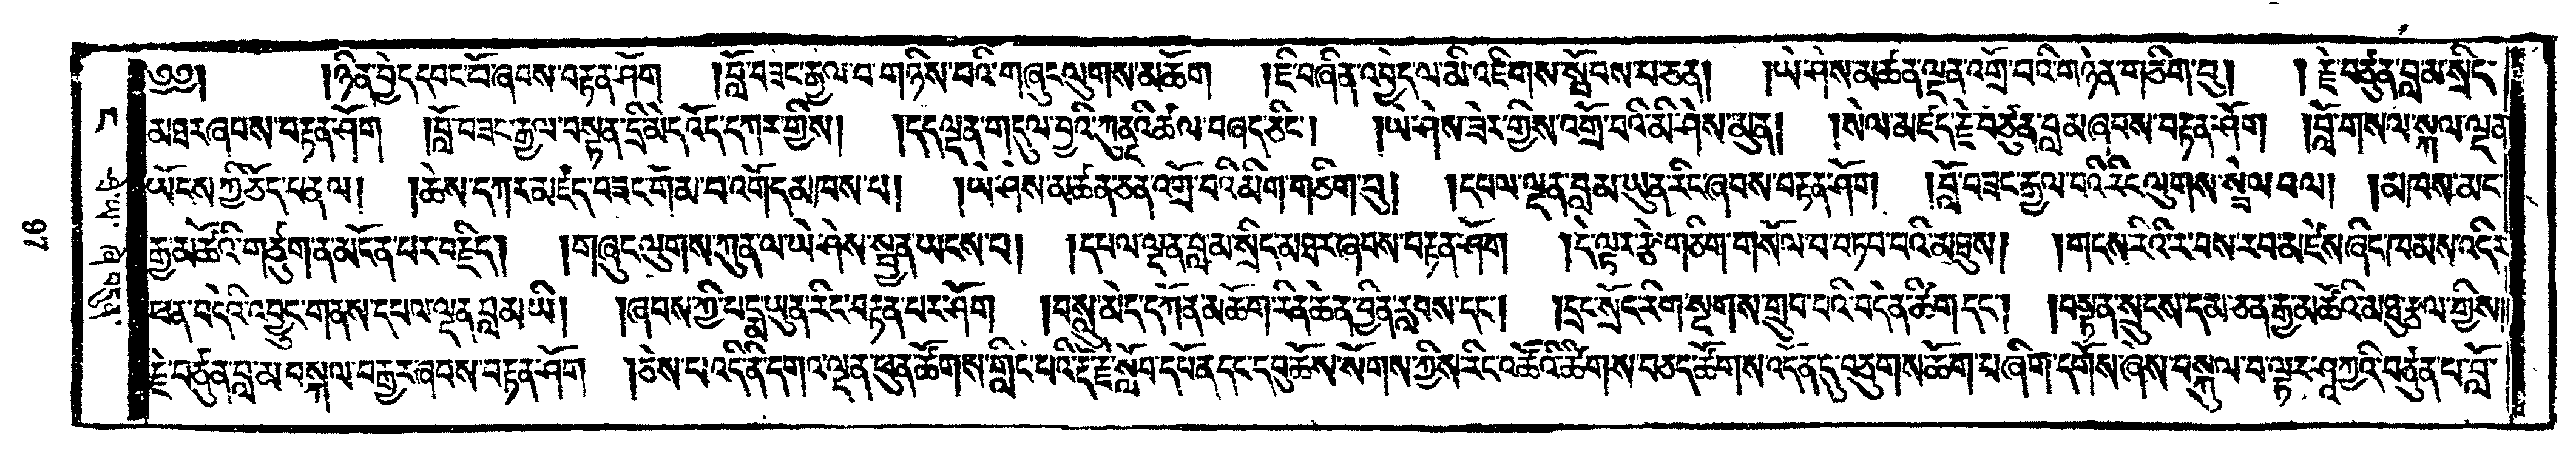༄༅། །ཉིན་བྱེད་དབང་བོ་ཞབས་བརྟན་ཤོག །བློ་བཟང་རྒྱལ་བ་གཉིས་པའི་གཞུང་ལུགས་མཆོག །ཇི་བཞིན་འབྱེད་ལ་མི་འཇིགས་སྤོབས་པ་ཅན། །ཡེ་ཤེས་མཚན་ལྡན་འགྲོ་བའི་གཉེན་གཅིག་བུ། །རྗེ་བཙུན་བླ་མ་སྲིད་
མཐར་ཞབས་བརྟན་ཤོག །བློ་བཟང་རྒྱལ་བསྟན་དྲི་མེད་འོད་དཀར་གྱིས། །དད་ལྡན་གདུལ་བྱའི་ཀུནྡའི་ཚལ་བཞད་ཅིང་། །ཡེ་ཤེས་ཟེར་གྱིས་འགྲོ་བའི་མི་ཤེས་མུན། །སེལ་མཛད་རྗེ་བཙུན་བླ་མ་ཞབས་བརྟན་ཤོག །བློ་གསལ་སྐལ་ལྡན་
ཡོངས་ཀྱི་ཅོད་པན་ལ། །ཆེས་དཀར་མཛད་བཟང་གོམ་བ་འགོད་མཁས་པ། །ཡེ་ཤེས་མཚན་ཅན་འགྲོ་བའི་མིག་གཅིག་པུ། །དཔལ་ལྡན་བླ་མ་ཡུན་རིང་ཞབས་བརྟན་ཤོག །བློ་བཟང་རྒྱལ་བའི་རིང་ལུགས་སྦེལ་བ་ལ། །མཁས་མང་
རྒྱ་མཚོའི་གཙུག་ན་མངོན་པར་བརྗིད། །གཞུང་ལུགས་ཀུན་ལ་ཡེ་ཤེས་སྤྱན་ཡངས་པ། །དཔལ་ལྡན་བླ་མ་སྲིད་མཐར་ཞབས་བརྟན་ཤོག །དེ་ལྟར་རྩེ་གཅིག་གསོལ་བ་བཏབ་པའི་མཐུས། །གངས་རིའི་ར་བས་རབ་མཛེས་ཞིང་ཁམས་འདིར་
ཕན་བདེའི་འབྱུང་གནས་དཔལ་ལྡན་བླ་མ་ཡི། །ཞབས་ཀྱི་པདམ་ཡུན་རིང་བརྟན་པར་ཤོག །བསླུ་མེད་དཀོན་མཆོག་རིན་ཆེན་བྱིན་རླབས་དང་། །དྲང་སྲོང་རིག་སྔགས་གྲུབ་པའི་བདེན་ཚིག་དང་། །བསྟན་སྲུངས་དམ་ཅན་རྒྱ་མཚོའི་མཐུ་རྩལ་གྱིས།
རྗེ་བཙུན་བླ་མ་བསྐལ་བརྒྱར་ཞབས་བརྟན་ཤོག །ཅེས་པ་འདི་ནི་དགའ་ལྡན་ཕུན་ཚོགས་གླིང་པའི་རྡོ་རྗེ་སློབ་དཔོན་དང་དབུ་ཆོས་སོགས་ཀྱིས་རིང་འཚོའི་ཚིགས་བཅད་ཚོགས་འདོན་དུ་བཅུགས་ཆོག་པ་ཞིག་དགོས་ཞེས་བསྐུལ་བ་ལྟར་ཤཱཀྱའི་བཙུན་པ་བློ་